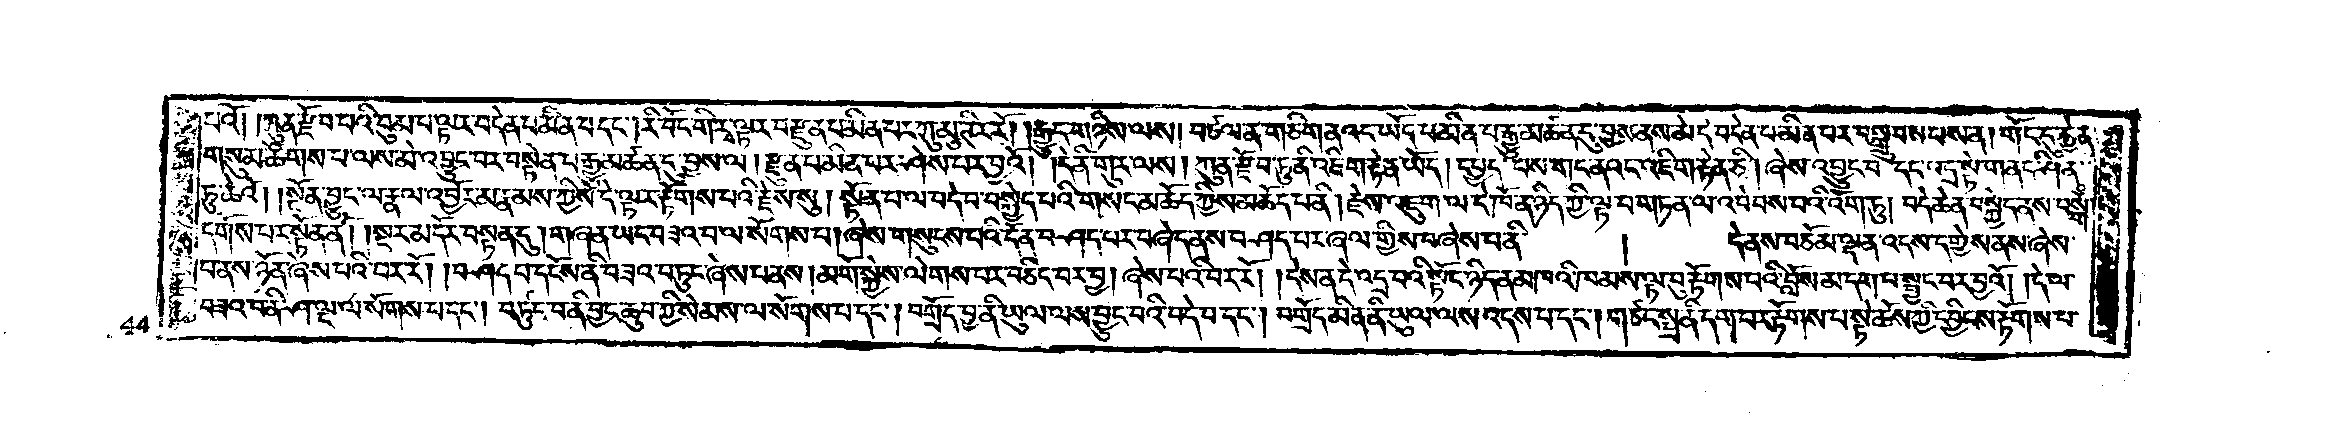པའོ། །ཀུན་རྫོབ་པའི་བུམ་པ་ལྟར་བདེན་པ་མིན་པ་དང་། རི་བོང་གི་རྭ་ལྟར་བརྫུན་པ་མིན་པར་ཀུ་མུ་ཊིར་རོ། །རྒྱུད་གཉིས་ལས། བཙལ་ན་གཅིག་ནའང་ཡོད་པ་མིན་པ་རྒྱུ་མཚན་དུ་བྱས་ནས་མེད་བདེན་པ་མིན་པར་བསྒྲུབས་པས་ན། གོང་དུ་རྐྱེན་
གསུམ་ཚོགས་པ་ལས་མེ་འབྱུང་བར་བསྟེན་པ་རྒྱུ་མཚན་དུ་བྱས་ལ། རྫུན་པ་མིན་པར་ཤེས་པར་བྱའོ། །དེ་ནི་གུར་ལས། ཀུན་རྫོབ་ཏུ་ནི་འཇིག་རྟེན་ཡོད། དཔྱད་པས་གང་ནའང་འཇིག་རྟེན་ཅི། ཞེས་འབྱུང་བ་དང་འདྲ་སྟེ་གནང་ཤིན་
ཏུ་ཆེའོ། །སྔོན་བྱུང་ལ་རྣལ་འབྱོར་མ་རྣམས་ཀྱིས་དེ་ལྟར་རྟོགས་པའི་རྗེས་སུ། སྟོན་པ་ལ་བདེ་བ་བསྐྱེད་པའི་གསང་མཆོད་ཀྱིས་མཆོད་པ་ནི། རྗེས་འཇུག་ལ་དེ་ཁོ་ན་ཉིད་ཀྱི་ལྟ་བ་གཏན་ལ་འབེབས་པའི་འོག་ཏུ། བདེ་ཆེན་བསྐྱེད་ནས་བསྒོམ་
དགོས་པར་སྟོན་ནོ། །སྔར་མདོར་བསྟན་དུ། གཞན་ཡང་བཟའ་བ་ལ་སོགས་པ། ཞེས་གསུངས་པའི་དོན་བཤད་པར་བཞེད་ནས་བཤད་པར་ཞལ་གྱིས་བཞེས་པ་ནི། དེ་ནས་བཅོམ་ལྡན་འདས་དགྱེས་ནས་ཞེས་
པ་ནས་ཉོན་ཞེས་པའི་བར་རོ། །བཤད་པ་དངོས་ནི་བཟའ་བཏུང་ཞེས་པ་ནས། མགོ་སྐྱེས་ལེགས་པར་བཅིང་བར་བྱ། ཞེས་པའི་བར་རོ། །དེས་ན་དེ་འདྲ་བའི་སྟོང་ཉིད་ནམ་མཁའི་ཁམས་ལྟ་བུ་རྟོགས་པའི་བློས་མ་དག་པ་སྦྱང་བར་བྱའོ། །དེ་ལ་
བཟའ་བ་ནི་ཤ་ལྔ་ལ་སོགས་པ་དང་། བཏུང་བ་ནི་བྱང་ཆུབ་ཀྱི་སེམས་ལ་སོགས་པ་དང་། བགྲོད་བྱ་ནི་ཡུལ་ལས་བྱུང་བའི་བདེ་བ་དང་། བགྲོད་མིན་ནི་ཡུལ་ལས་འདས་པ་དང་། གཙང་སྤྲ་ནི་དག་པར་རྟོགས་པ་སྟེ་ཆོས་ཀྱི་དབྱིངས་རྟོགས་པ་